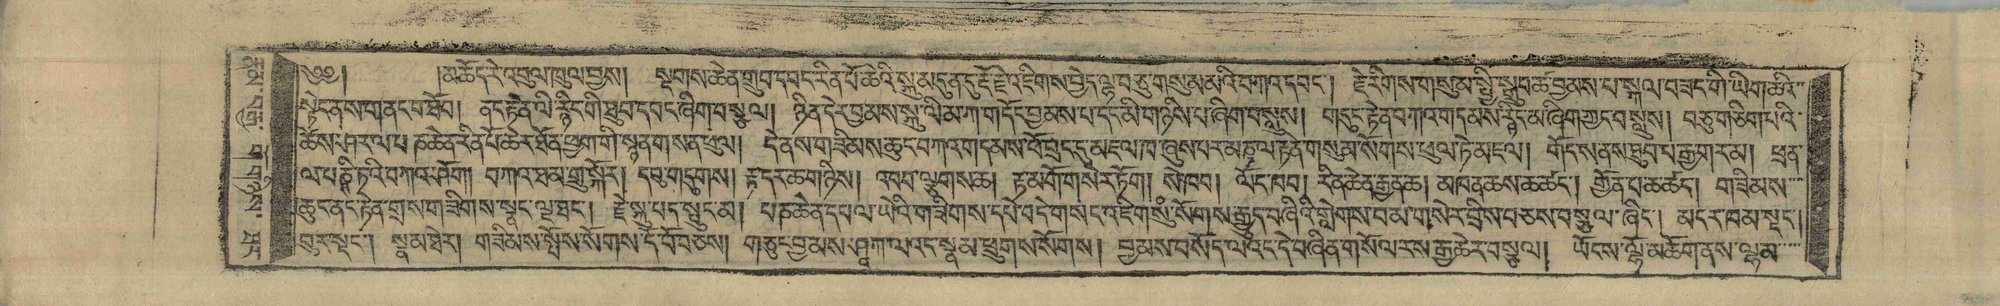༄༅། །མཆོད་རེ་འབུལ་ཁུལ་བྱས། སྔགས་ཆེན་གྲུབ་དབང་རིན་པོ་ཆེའི་སྐུ་མདུན་དུ་རྡོ་རྗེ་འཇིགས་བྱེད་ལྷ་བཅུ་གསུམ་མའི་བཀའ་དབང་། རྗེ་རིགས་གསུམ་སྤྱི་སྒྲུབ་ཚ་བྱམས་པ་སྐལ་བཟང་གི་ཡིག་ཆའི་
སྟེང་ནས་གནང་བ་ཐོབ། ནང་རྟེན་ལི་རྙིང་གི་ཐུབ་དབང་ཞིག་བསྩལ། ཉིན་དེར་བྱམས་སྐུ་ལི་མ་ཀ་གདོང་བྱམས་པ་དང་མི་གཉིས་པ་ཞིག་བསླུས། གདུང་རྟེན་བཀའ་གདམས་རྙིང་མ་ཞིག་ཀྱང་བསླུས། བཅུ་གཅིག་པའི་
ཚེས་ཤར་ལ་པཎ་ཆེན་རིན་པོ་ཆེར་ཐོན་ཕྱག་གི་སྙན་གསན་ཕུལ། དེ་ནས་གཟིམས་ཆུང་བཀའ་གདམས་ཕོ་བྲང་དུ་མཇལ་ཁ་ཞུས་པར་མཎྜལ་རྟེན་གསུམ་སོགས་ཕུལ་ཏེ་མཇལ། གོང་ས་ནས་ཐུབ་པ་རྒྱ་གར་མ། ཕྲན་
ལ་པཎྚི་ཏའི་བཀའ་ཤོག །བཀའ་ཐམ་གྲུ་སྐོར། དབུ་གདུགས། རྟ་དར་ཆ་གཉིས། འབབ་ལྕགས་ཆ། རྟ་མགོ་གསེར་ཏོག །སེ་ཁབ། ལོང་ཁབ། རིན་ཆེན་རྒྱན་ཆ། མཁན་ཆས་ཆ་ཚང་། གྱོན་པ་ཆ་ཚང་། གཟིམས་
ཆུང་ནང་རྟེན་གྲས་གཟིགས་སྣང་ལྔ་ཐང་། རྗེ་སྐུ་པད་སྤུང་མ། པཎ་ཆེན་དཔལ་ཡེའི་གཟིགས་དཔེ་བདེ་གསང་འཇིག་གསུཾ་སོགས་རྒྱུད་བཞིའི་གླེགས་བམ་གསེར་བྲིས་བཅས་བསྩལ་ཞིང་། མངར་ཁམ་སྡང་།
བུར་སྡང་། སྣམ་ཐེར། གཟིམས་སྤོས་སོགས་དོ་བོ་བཅས། གཅུང་བྱམས་ཤཱཀ་ལའང་སྣམ་ཕྲུགས་སོགས། བྱམས་བསོད་ལའང་དེ་བཞིན་གསོལ་རས་རྒྱ་ཆེར་བསྩལ། ཡོངས་ལྷོ་མཆོག་ནས་ལྷམ་